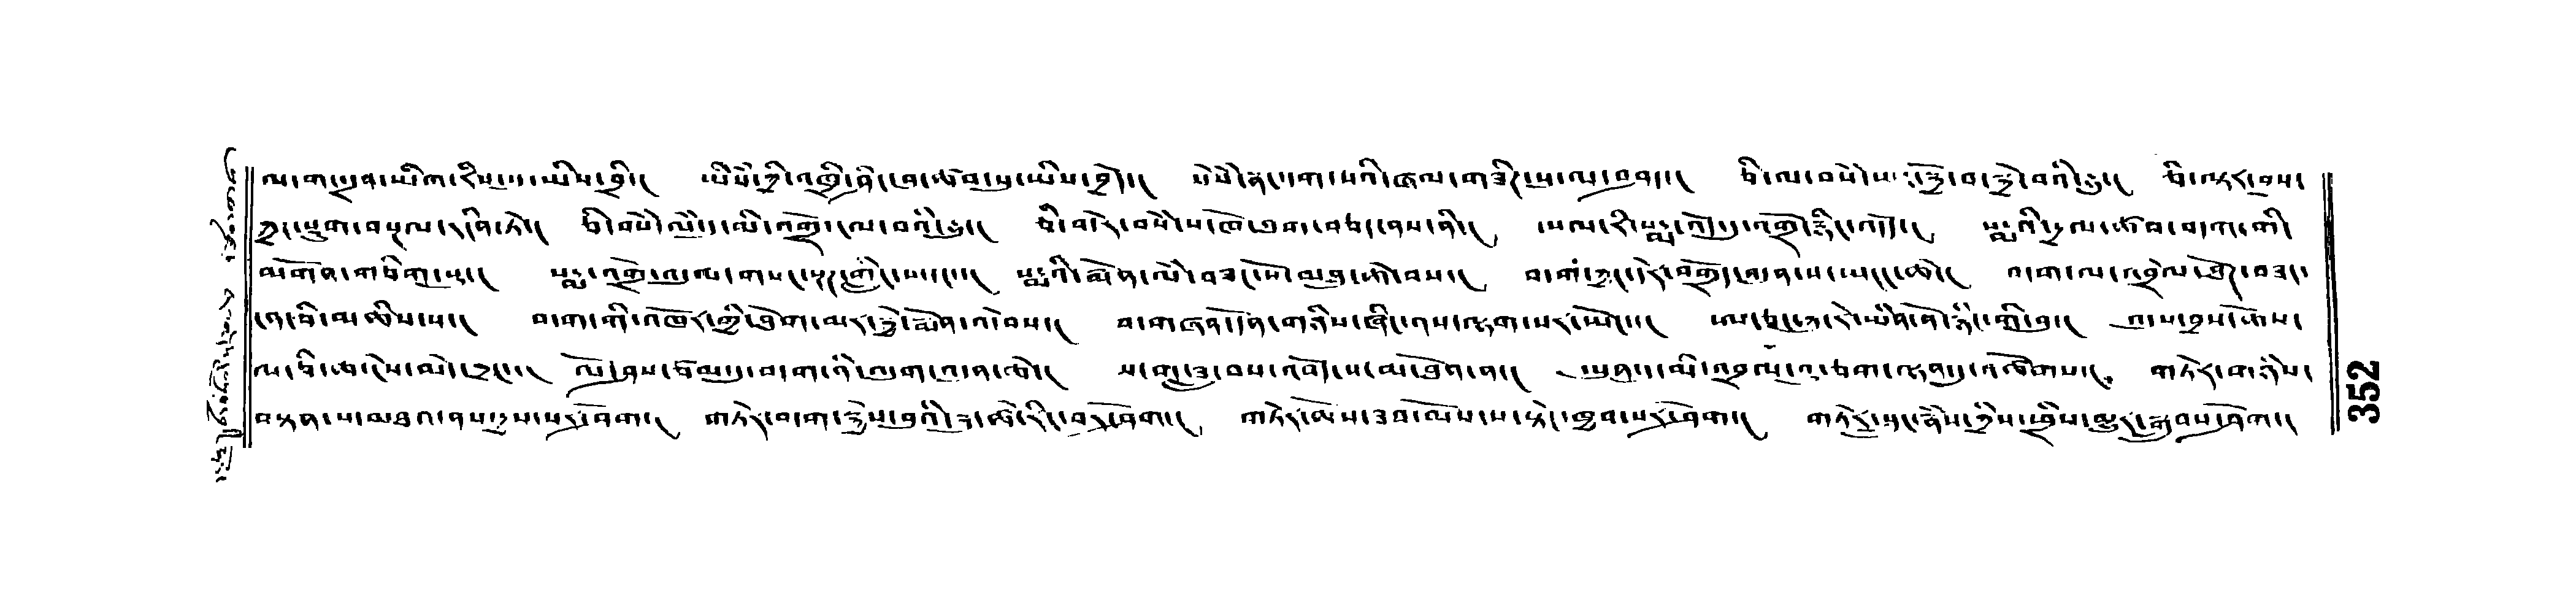ལ་གང་དྲན་ཡིག་རིས་སུ་ཡིས་བྲི། །ཡིད་ཀྱི་འཁྲི་ཤིང་བུ་ཚབ་སུ་ཡིས་བྱེད། །སེམས་སྣང་དག་པའི་ཞལ་གཟིགས་སུ་ལ་བཤད། །ཅི་ལ་བསམ་ཡང་སྐྱོ་བ་སྐྱེ་བའི་རྒྱུ། །ཅི་ལྟར་བྱས་
ཀྱང་སྡུག་བསྔལ་རང་བཞིན་ཏེ། །ཅི་བསམ་ལམ་དུ་མི་འགྲོ་ངལ་བའི་རྒྱུ། །ཅི་བདེར་བསམ་པ་ཁོ་ཐག་བཅད་ནས་ནི། །དཔལ་རི་པདྨ་འོད་དུ་འགྲོ་སྙིང་འདོད། པདྨའི་རྒྱལ་ཚབ་བདག་གི་
མགོན་གཅིག་པུ། པདྨ་འགྲོ་འདུལ་གསང་སྔགས་གླིང་པ་དང་། །པདྨའི་སྨོན་ལམ་བཟང་པོ་མཐུ་ཆེ་བས། །བདག་ཀྱང་དེར་བགྲོད་འདུན་པ་ཡང་ཡང་ཆེ། །བདག་ལ་འབྲེལ་ཐོགས་བཟང་
ངན་ཅི་མཆིས་པ། །བདག་གི་འཁོར་གྱི་ཐོག་མར་སྐྱེ་སྨོན་འདེབས། །བདག་གཞན་དོན་གཉིས་ཞིང་ནས་ལྷག་པར་ཡོང་། །ཨ་ཅང་ཀུ་རེ་ཡིན་ནོ་སྙིང་གི་བུ། །འདུས་བྱས་ཆོས་
ལ་ཅི་ཆ་ངེས་མེད་ཀྱང་། །ལོ་ཤས་ཙམ་དུ་བདག་ནི་འདུག་འདུན་ཆེ། །ས་ག་ཟླ་བས་འབོད་པ་མ་ཐོན་ན། །ཡུན་དུ་མི་འབྲལ་འུ་ཅག་ལྷན་དུ་འཚོགས། །གཏེར་གཉིས་
བསྟན་པ་མཐའ་ནས་རྒྱས་པར་ཤོག།གཏེར་བདག་སྐྱེས་བུའི་སྐུ་ཚེ་རིང་བར་ཤོག །གཏེར་ཆོས་ཟབ་མོས་ས་སྟེང་ཁྱབ་པར་ཤོག །གཏེར་སྲུང་རྣམས་ཀྱིས་ཕྲིན་ལས་མྱུར་སྒྲུབ་ཤོག